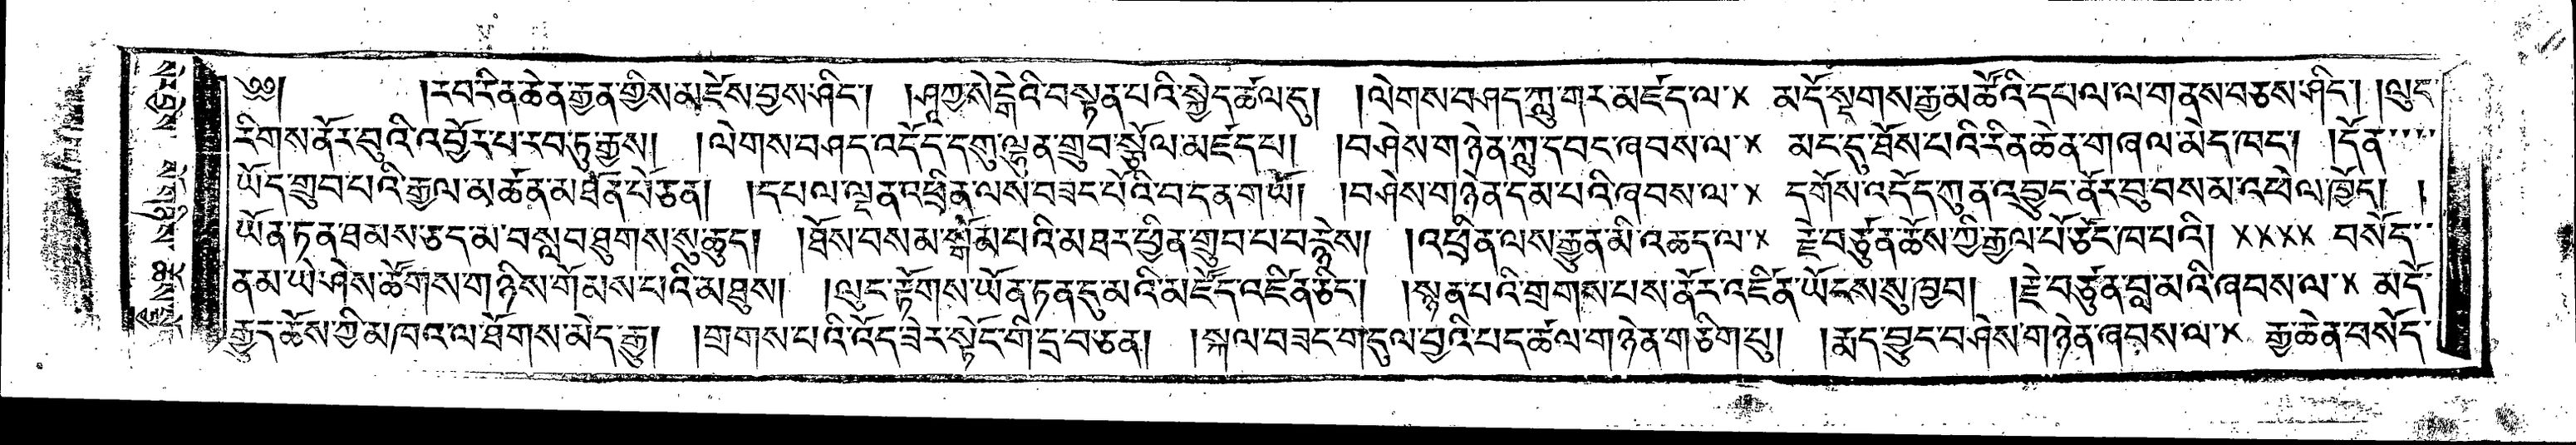༄༅། །རབ་རིན་ཆེན་རྒྱན་གྱིས་མཛེས་བྱས་ཤིང་། །ཤཱཀྱ་སེངྒེའི་བསྟན་པའི་སྐྱེད་ཚལ་དུ། །ལེགས་བཤད་ཀླུ་གར་མཛད་ལ་{྾}་མདོ་སྔགས་རྒྱ་མཚོའི་དཔལ་ལ་གནས་བཅས་ཤིང་། །ལུང་
རིགས་ནོར་བུའི་འབྱོར་པ་རབ་ཏུ་རྒྱས། །ལེགས་བཤད་འདོད་དགུ་ལྷུན་གྲུབ་སྩོལ་མཛད་པ། །བཤེས་གཉེན་ཀླུ་དབང་ཞབས་ལ་{྾}་མང་དུ་ཐོས་པའི་རིན་ཆེན་གཞལ་མེད་ཁང་། །དོན་
ཡོད་གྲུབ་པའི་རྒྱལ་མཚན་མཐོན་པོ་ཅན། །དཔལ་ལྡན་འཕྲིན་ལས་བཟང་པོའི་བ་དན་གཡོ། །བཤེས་གཉེན་དམ་པའི་ཞབས་ལ་{྾}་དགོས་འདོད་ཀུན་འབྱུང་ནོར་བུ་བསམ་འཕེལ་ཁྱོད། །
ཡོན་ཏན་ཐམས་ཅད་མ་བསླབ་ཐུགས་སུ་ཆུད། །ཐོས་བསམ་སྒོམ་པའི་མཐར་ཕྱིན་གྲུབ་པ་བརྙེས། །འཕྲིན་ལས་རྒྱུན་མི་འཆད་ལ་{྾}་རྗེ་བཙུན་ཆོས་ཀྱི་རྒྱལ་པོ་ཙོང་ཁ་པའི། {྾་྾་྾་྾}་བསོད་
ནམ་ཡེ་ཤེས་ཚོགས་གཉིས་གོམས་པའི་མཐུས། །ལུང་རྟོགས་ཡོན་ཏན་དུ་མའི་མཛོད་འཛིན་ཅིང་། །སྙན་པའི་གྲགས་པས་ནོར་འཛིན་ཡོངས་སུ་ཁྱབ། །རྗེ་བཙུན་བླ་མའི་ཞབས་ལ་{྾}་མདོ་
རྒྱུད་ཆོས་ཀྱི་མཁའ་ལ་ཐོགས་མེད་རྒྱུ། །གྲགས་པའི་འོད་ཟེར་སྟོང་གི་དྲ་བ་ཅན། །སྐལ་བཟང་གདུལ་བྱའི་པད་ཚལ་གཉེན་གཅིག་པུ། །རྨད་བྱུང་བཤེས་གཉེན་ཞབས་ལ་{྾}་རྒྱ་ཆེན་བསོད་